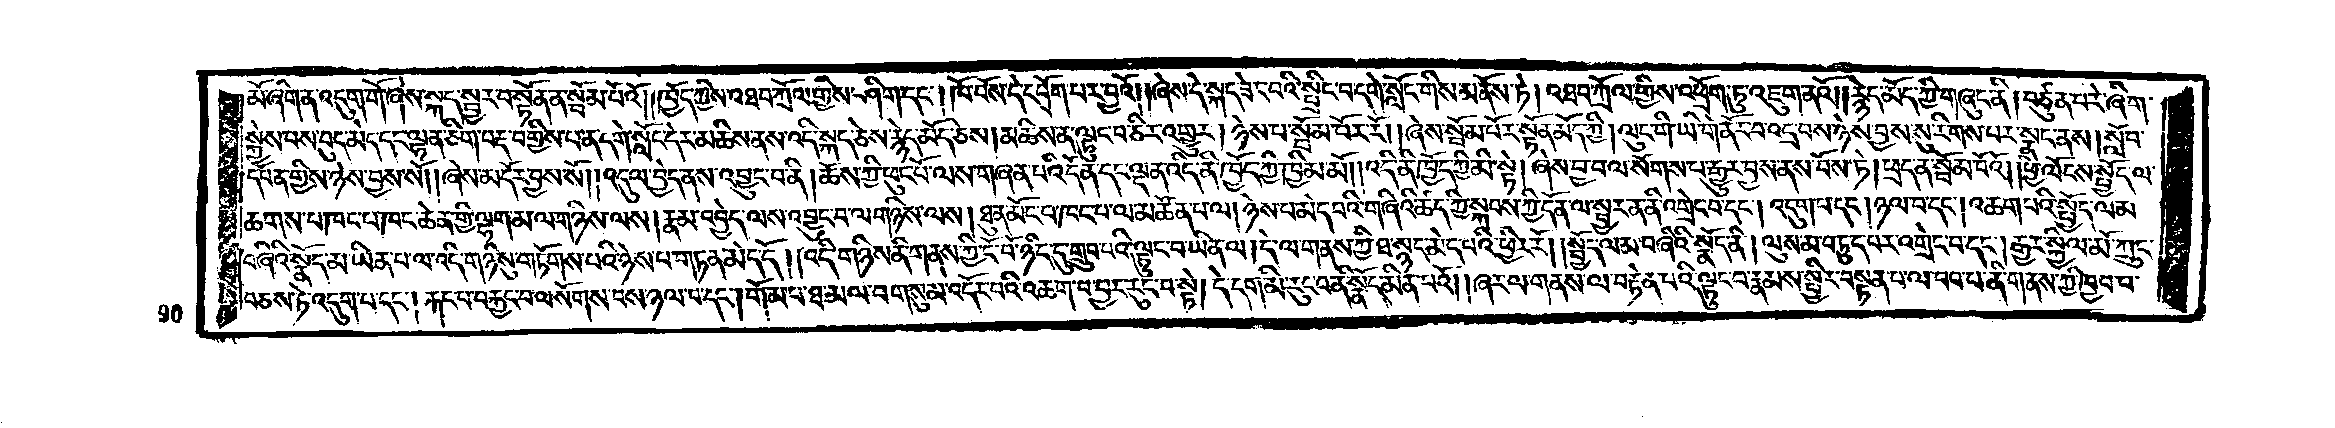མོ་ཞིག་ན་འདུག་གོ་ཞེས་སྐད་སྦྱར་བ་སྟོན་ན་སྦོམ་པོའོ། །ཁྱོད་ཀྱིས་འཐབ་ཀྲོལ་གྱིས་ཤིག་དང་། ཁོ་བོས་དེ་དཔྲོག་པར་བྱའོ། །ཞེས་དེ་སྐད་ཟེར་བའི་སྤྲིང་བ་དགེ་སློང་གིས་མནོས་ཏེ། འཐབ་ཀྲོལ་གྱིས་འཕྲོག་ཏུ་འཇུག་ནའོ། །རྙེད་མོད་ཀྱི་གཞུང་ནི། བཙུན་པ་རེ་ཞིག་
སྐྱེས་པས་བུད་མེད་དང་ལྷན་ཅིག་བརྡ་བགྱིས་པ་ན་དགེ་སློང་དེར་མཆིས་ནས་འདི་སྐད་ཅེས་རྙེད་མོད་ཅེས། མཆིས་ན་ལྟུང་བ་ཅིར་འགྱུར། ཉེས་པ་སྦོམ་པོར་རོ། །ཞེས་སྦོམ་པོར་སྟོན་མོད་ཀྱི། ལུང་གི་ཡི་གེ་ནོར་བ་འདྲ་བས་ཉེས་བྱས་སུ་རིགས་པར་སྣང་ནས། སློབ་
དཔོན་གྱིས་ཉེས་བྱས་སོ། །ཞེས་མདོར་བྱས་སོ། །འདུལ་བྱེད་ནས་འབྱུང་བ་ནི་།ཆོས་ཀྱི་ཕུང་པོ་ལས་གཞན་པའི་དོན་དང་ལྡན་འདི་ནི་ཁྱོད་ཀྱི་ཁྱིམ་མོ། །འདི་ནི་ཁྱོད་ཀྱི་མི་སྟེ། ཞེས་བྱ་བ་ལ་སོགས་པ་རྒྱུར་བྱས་ནས་བོས་ཏེ། ཕྲད་ན་སྦོམ་པོའོ། །ཕྱི་ལོངས་སྤྱོད་ལ་
ཆགས་པ་ཁང་པ་ཁང་ཆེན་གྱི་ལྷག་མ་ལ་གཉིས་ལས། རྣམ་འབྱེད་ལས་འབྱུང་བ་ལ་གཉིས་ལས། ཐུན་མོང་བ་ཁང་པ་ལ་མཚེན་པ་ལ། ཉེས་པ་མེད་པའི་གཞིའི་ཚད་ཀྱི་སྐབས་ཀྱི་དོན་ལ་སྦྱར་ན་ནི་འགྲེང་བ་དང་། འདུག་པ་དང་། ཉལ་བ་དང་། འཆག་པའི་སྤྱོད་ལམ་
བཞིའི་སྣོད་མ་ཡིན་པ་ལ་འདི་གཉིས་སུ་གཏོགས་པའི་ཉེས་པ་གཏན་མེད་དོ། །འདི་གཉིས་ནི་གནས་ཀྱི་ངོ་བོ་ཉིད་དུ་གྲུབ་པའི་ལྟུང་བ་ཡིན་ལ། དེ་ལ་གནས་ཀྱི་ཐ་སྙད་མེད་པའི་ཕྱིར་རོ། །སྤྱོད་ལམ་བཞིའི་སྣོད་ནི། ལུས་མ་བཏུད་པར་འགྲེང་བ་དང་། རྒྱར་སྐྱིལ་མོ་ཀྲུང་
བཅས་ཏེ་འདུག་པ་དང་། རྐང་པ་བརྐྱང་བ་ལ་སོགས་པས་ཉལ་བ་དང་། གོམ་པ་ཐ་མལ་པ་གསུམ་འདོར་བའི་འཆག་པ་བྱར་རུང་བ་སྟེ། དེ་དག་མི་རུང་བ་ནི་སྣོད་མིན་པའོ། །ཞར་ལ་གནས་ལ་བརྟེན་པའི་ལྟུང་བ་རྣམས་སྤྱིར་བསྟན་པ་ལ་བབ་པ་ནི་གནས་ཀྱི་ཁྱབ་པ་